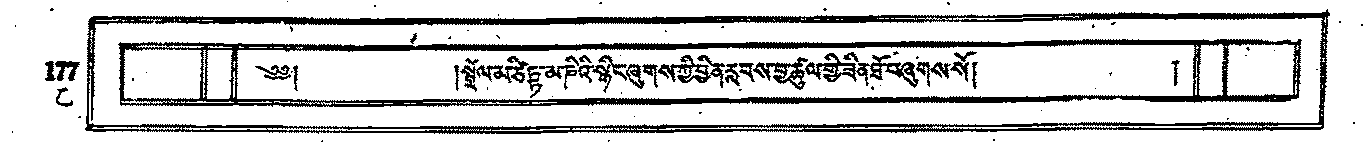།སྒྲོལ་མ་ཙིཏྟ་མ་ཎིའི་སྙིང་ཞུགས་ཀྱི་བྱིན་རླབས་བྱ་ཚུལ་གྱི་ཟིན་ཐོ་བཞུགས་སོ། །